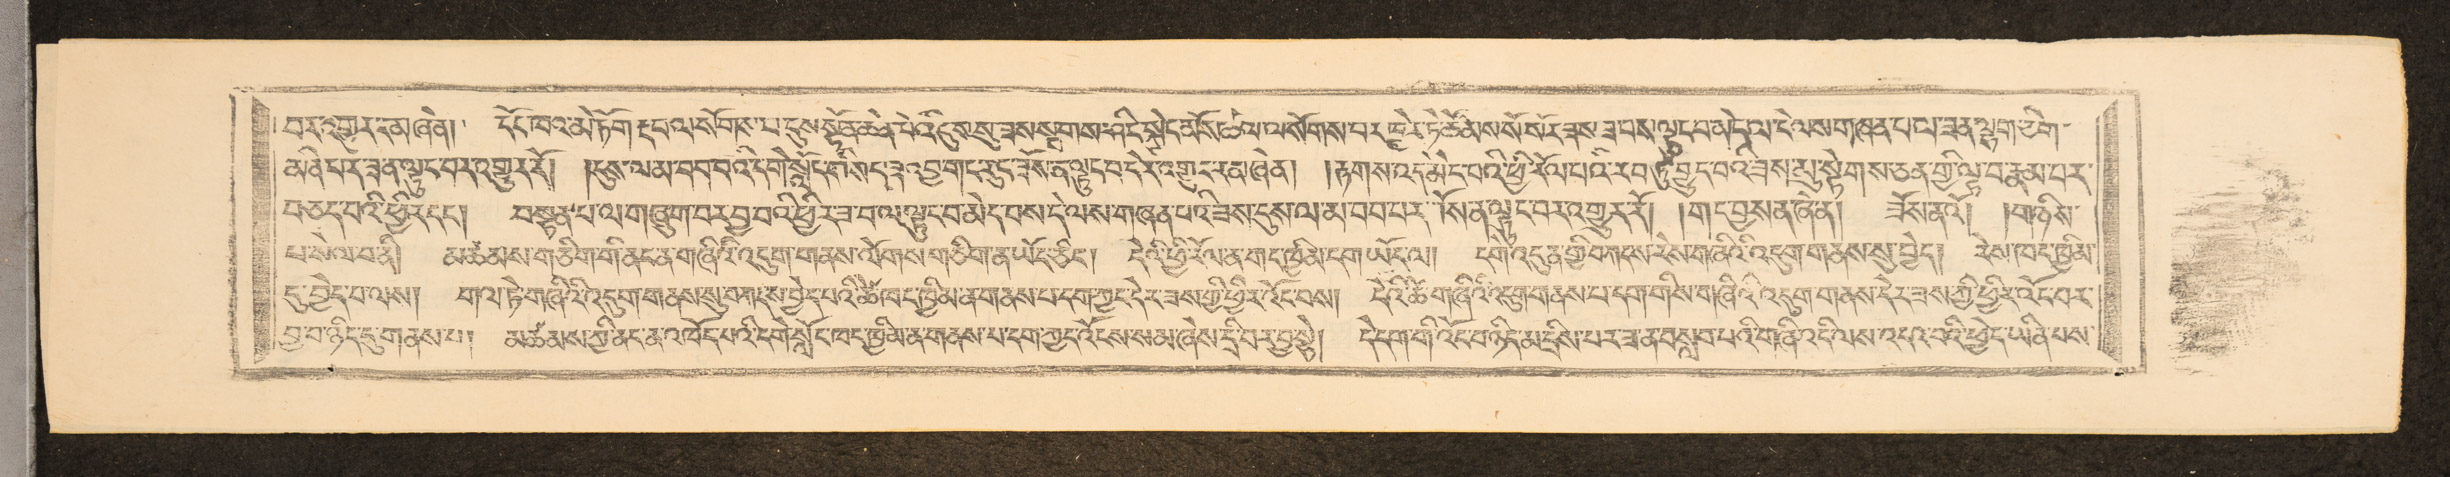བར་འགྱུར་རམ་ཞེན། དོང་ཁའི་མེ་ཏོག་རྔ་བ་ལ་སོགས་པ་དུས་སྟོན་ཆེན་པོའི་དུས་སུ་ཟས་སྤགས་ཤིང་སྐྱེད་མོས་ཚལ་ལ་སོགས་པར་ཁྱེར་ཏེ་ཚོམས་སོ་སོར་ཟས་ཟ་བས་ལྟུང་བ་མེད་ལ་དེ་ལས་གཞན་པ་ལ་ཟན་ལྷག་ཅིག་
མིན་པར་ཟ་ན་ལྟུང་བར་འགྱུར་རོ། །དུས་ལམ་བབ་པའི་དགེ་སློང་གིས་བཟའ་བྱ་གང་རུང་ཟོས་ན་ལྟུང་བ་དེར་འགྱུར་རམ་ཞེ་ན། རྟགས་འདི་མེད་པའི་ཕྱི་རོལ་པའི་རབ་ཏུ་བྱུང་བའི་ཟས་མུ་སྟེགས་ཅན་གྱི་ལྟ་བ་རྣམ་པར་
བཅད་པའི་ཕྱིར་དང་། བསྟན་པ་ལ་གཞུག་པར་བྱ་བའི་ཕྱིར་ཟ་བ་ལ་ལྟུང་བ་མེད་པས་དེ་ལས་གཞན་པའི་ཟས་དུས་ལ་མ་བབ་པར་ཟོས་ན་ལྟུང་བར་འགྱུར་རོ། །གང་བྱས་ན་ཞེ་ན། ཟོས་ནའོ། །གཉིས་
བསེལ་བ་ནི། མཚམས་གཅིག་གི་ནང་ན་གཞིའི་འདུག་གནས་ལོགས་གཅིག་ན་ཡོད་ཅིང་། དེའི་ཕྱི་རོལ་ན་གང་ཁྱིམ་དག་ཡོད་ལ། དགེ་འདུན་གྱི་བཀངས་རེས་གཞིའི་འདུག་གནས་སུ་བྱེད། རེས་ཁང་ཁྱིམ་
དུ་བྱེད་པ་ལས། གལ་ཏེ་གཞིའི་འདུག་གནས་སུ་བཀངས་བྱེད་པའི་ཚེ་ཁང་ཁྱིམ་ན་གནས་པ་དག་ཀྱང་དེར་ཟས་ཀྱི་ཕྱིར་འོང་བས། དེའི་ཚེ་གཞིའི་འདུག་གནས་པ་དག་གིས་གཞིའི་འདུག་གནས་དེར་ཟས་ཀྱི་ཕྱིར་འོད་བར་
བྱ་བ་ཉིད་དུ་གནས་པ། མཚམས་ཀྱི་ནང་ན་འཁོད་པའི་དགེ་སློང་ཁང་ཁྱིམ་ན་གནས་པ་དག་ཀྱང་འོངས་སམ་ཞེས་དྲི་བར་བྱ་སྟེ། དེ་དག་གི་འོང་བ་ཉིད་མ་དྲིས་པར་ཟ་ན་བསླབ་པའི་གཞི་འདི་ལས་འདའ་བའི་ཕྱེད་ཡིན་པ་